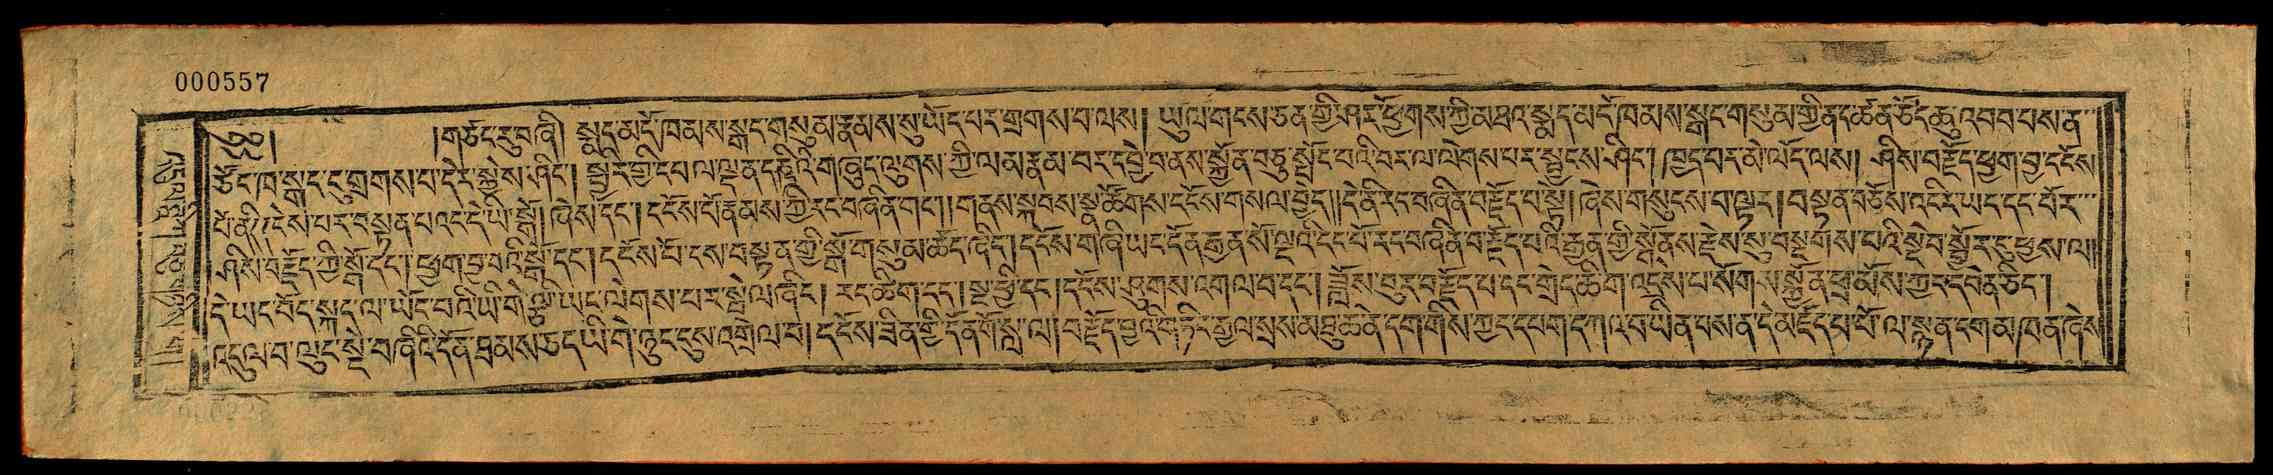༄༅། །གཙང་རུ་བཞི། སྨད་མདོ་ཁམས་སྒང་གསུམ་རྣམས་སུ་ཡོད་པར་གྲགས་པ་ལས། ཡུལ་གངས་ཅན་གྱི་ཤར་ཕྱོགས་ཀྱི་མཐའ་སྨད་མདོ་ཁམས་སྒང་གསུམ་གྱི་ནང་ཚན་ཙོང་ཆུ་འབབ་པས་ན་
ཙོང་ཁ་སྒང་དུ་གྲགས་པ་དེར་སྐྱེས་ཤིང་། སྤྱིར་གྱི་དཔལ་ལྡན་དཎྜིའི་གཞུང་ལུགས་ཀྱི་ལམ་རྣམ་པར་དབྱེ་བ་ནས་སྐྱོན་བཅུ་སྤོང་པའི་བར་ལ་ལེགས་བར་སྦྱངས་ཤིང་། ཁྱད་པར་མེ་ལོང་ལས། ཤིས་བརྗོད་ཕྱག་བྱ་དངོས་
པོ་ནི། །ངེས་པར་བསྟན་པའང་དེ་ཡི་སྒོ། ཞེས་དང་། དངོས་པོ་རྣམས་ཀྱི་རང་བཞིན་གང་། །གནས་སྐབས་སྣ་ཚོགས་དངོས་གསལ་བྱེད། །དེ་ནི་རང་བཞིན་བརྗོད་པ་སྟེ། ཞེས་གསུངས་པ་ལྟར། བསྟན་བཅོས་འདིར་ཡང་དང་པོར་
ཤིས་བརྗོད་ཀྱི་སྒོ་དང་། ཕྱག་བྱ་བའི་སྒོ་དང་། དངོས་པོ་ངེས་བསྟན་གྱི་སྒོ་གསུམ་ཚང་ཞིང་། དངོས་གཞི་ཡང་དོན་རྒྱན་སོ་ལྔའི་དང་པོ་རང་བཞིན་བརྗོད་པའི་རྒྱན་གྱི་སྒོ་ནས་རྗེས་སུ་བསྔགས་པའི་སྡེབ་སྦྱོར་དུ་བྱས་ལ་
དེ་ཡང་བོད་སྐད་ལ་ཡོད་པའི་ཡི་གེ་ལྕི་ཡང་ལེགས་པར་སྤེལ་ཞིང་། རང་ཚིག་དང་། སྔ་ཕྱི་དང་། དངོས་ཤུགས་འགལ་བ་དང་། ཟློས་བུར་བརྗོད་པ་དང་གྲེང་ཚིག་འདྲས་པ་སོགས་སྐྱོན་ཕྲ་མོས་ཀྱང་དབེན་ཅིང་།
འདུལ་བ་ལུང་སྡེ་བཞིའི་དོན་ཐམས་ཅད་ཡི་གེ་ཉུང་ངུས་འགྲེལ་བ། དངོས་ཟིན་གྱི་དོན་གོ་སླ་ལ། བརྗོད་བྱའི་གཏིང་རྒྱལ་སྲས་མཐུ་ཆེན་དག་གིས་ཀྱང་དཔག་དཀའ་བ་ཡིན་པས་ན་དེ་མཛད་པ་པོ་ལ་སྙན་ངག་མཁན་ཞེས་